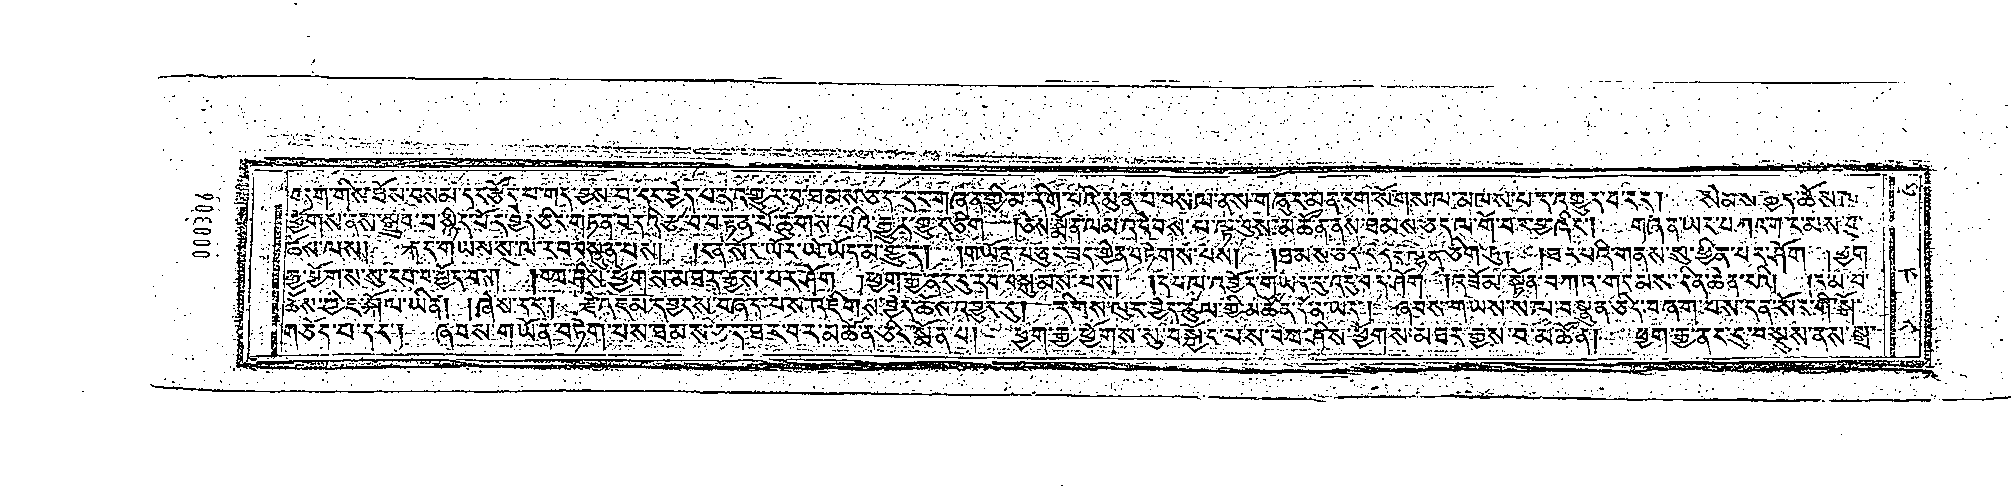བདག་གིས་ཐོས་བསམ་དང་རྩོད་པ་གང་བྱས་པ་དང་བྱེད་པར་འགྱུར་བ་ཐམས་ཅད་རང་གཞན་གྱི་མ་རིག་པའི་མུན་པ་བསལ་ནས་གཞུང་མན་ངག་སོགས་ལ་མཁས་པར་འགྱུར་བ་དང་། སེམས་རྒྱད་ཆོས་ལ་
ཕྱོགས་ནས་སྒྲུབ་པ་སྙིད་པོར་བྱེད་ཅིང་གཏན་བདེའི་རྩ་བ་བརྟན་པོ་ཚུགས་པའི་རྒྱུར་གྱུར་ཅིག །ཅེས་སྨོན་ལམ་འདེབས་པ་ལྟ་བུས་མཚོན་ནས་ཐམས་ཅད་ལ་གོ་བར་བྱ་ཞིང་། གཞན་ཡང་བཀའ་གདམས་བུ་
ཆོས་ལས། རྐང་གཡས་ས་ལ་རབ་བསྣུན་པས། །ངན་སོང་ལོང་ཡེ་ཡོད་མ་གྱུར། །གཡོན་པ་ཅུང་ཟད་གྱེན་བཏེགས་པས། །ཐམས་ཅད་བ་དང་ལྷན་ཅིག་ཏུ། །ཐར་པའི་གནས་སུ་ཕྱིན་པར་ཤོག །ཕྱག་
རྒྱ་ཕྱོགས་སུ་རབ་བསྐྱོད་བས། །བཀྲ་ཤིས་ཕྱོགས་མཐར་རྒྱས་པར་ཤོག །ཕྱག་རྒྱ་ནང་དུ་རབ་བསྐུམས་པས། །དཔལ་འབྱོར་གཡང་དུ་འདུ་བར་ཤོག །འབྲོམ་སྟོན་བཀའ་གདམས་རིན་ཆེན་བའི། །དམ་པ་
ཆོས་ཀྱི་ཇ་སྐོལ་ཡིན། །ཞེས་དང་། རྗེ་འཇམ་དབྱངས་བཞད་པས་འཇིགས་བྱེད་ཆོས་འབྱུང་དུ། རིགས་ལུང་བྱེད་ཚུལ་གྱི་མཚོན་དོན་ཡང་། ཞབས་གཡས་ས་ལ་བསྣུན་ཅིང་བཞག་པས་ངན་སོང་གི་སྒོ་
གཅོད་པ་དང་། ཞབས་གཡོན་བཏེག་པས་ཐམས་ཅད་ཐར་བར་མཚེ་ན་ཅིང་སྨོན་པ། ཕྱག་རྒྱ་ཕྱོགས་སུ་བསྐྱོད་པས་བཀྲ་ཤིས་ཕྱོགས་མཐར་རྒྱས་བ་མཚོན། ཕྱག་རྒྱ་ནང་དུ་བསྡུས་ནས་སྒྲ་